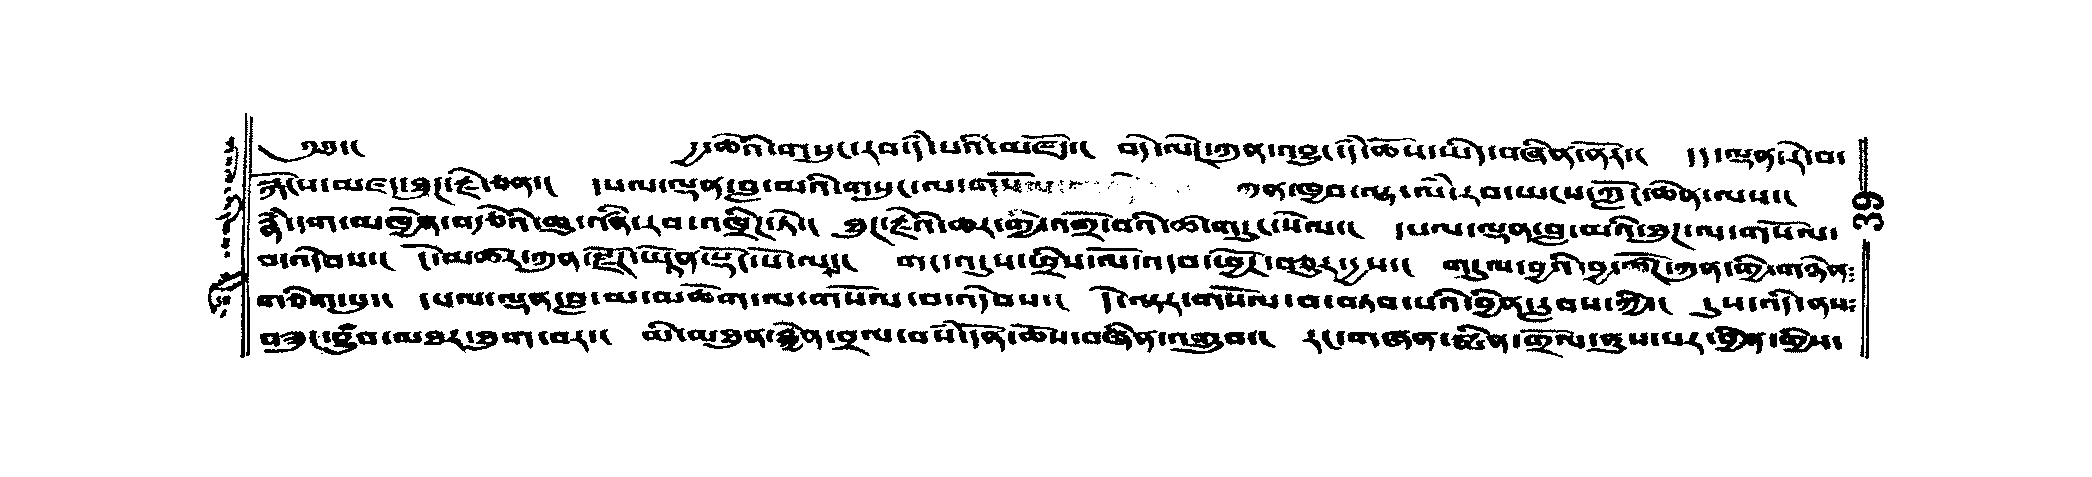རྒྱ་ཆེའི་གསུང་རབ་དམ་པའི་མཛོད། །བདེ་ལེགས་ཀུན་འབྱུང་དམ་ཆོས་ཡིད་བཞིན་ནོར། །དད་ལྡན་རེ་བ་
སྐོངས་མཛད་ཐུགས་རྗེ་ཅན། །དཔལ་ལྡན་བླ་མའི་གསུང་ལ་གསོལ་བ་འདེབས། །ཀུན་ཁྱབ་ལྷ་ལམ་རབ་ཡངས་ཀློང་ཆེན་ལས། །
རྣམ་དག་མཁྱེན་བརྩེའི་ཆུ་འཛིན་རབ་འཁྲིགས་ཏེ། །ཐུགས་རྗེའི་ཆར་གྱི་འགྲོ་བའི་ཚ་གདུང་སེལ། །དཔལ་ལྡན་བླ་མའི་ཐུགས་ལ་གསོལ་
བ་འདེབས། །ངོ་མཚར་ཀུན་རྫོགས་ཡོན་ཏན་སྡོང་པོ་ལས། །གང་འདུལ་ཕྲིན་ལས་ལོ་འདབ་ཕྱོགས་བཅུར་རྒྱས། །གདུལ་བྱའི་བྱ་ཚོགས་ཀུན་གྱི་གཉེན་
གཅིག་པུ། །དཔལ་ལྡན་བླ་མ་མཆོག་ལ་གསོལ་བ་འདེབས། །དེ་ལྟར་གསོལ་བ་བཏབ་པའི་བྱིན་རླབས་ཀྱི། །དུས་འདི་ནས་
བཟུང་བྱང་ཆུབ་མཐར་ཐུག་བར། །མི་མཐུན་རྐྱེན་བྲལ་བསམ་དོན་ཆོས་བཞིན་འགྲུབ། །རང་གཞན་སྨིན་གྲོལ་ནུས་པར་བྱིན་གྱིས་